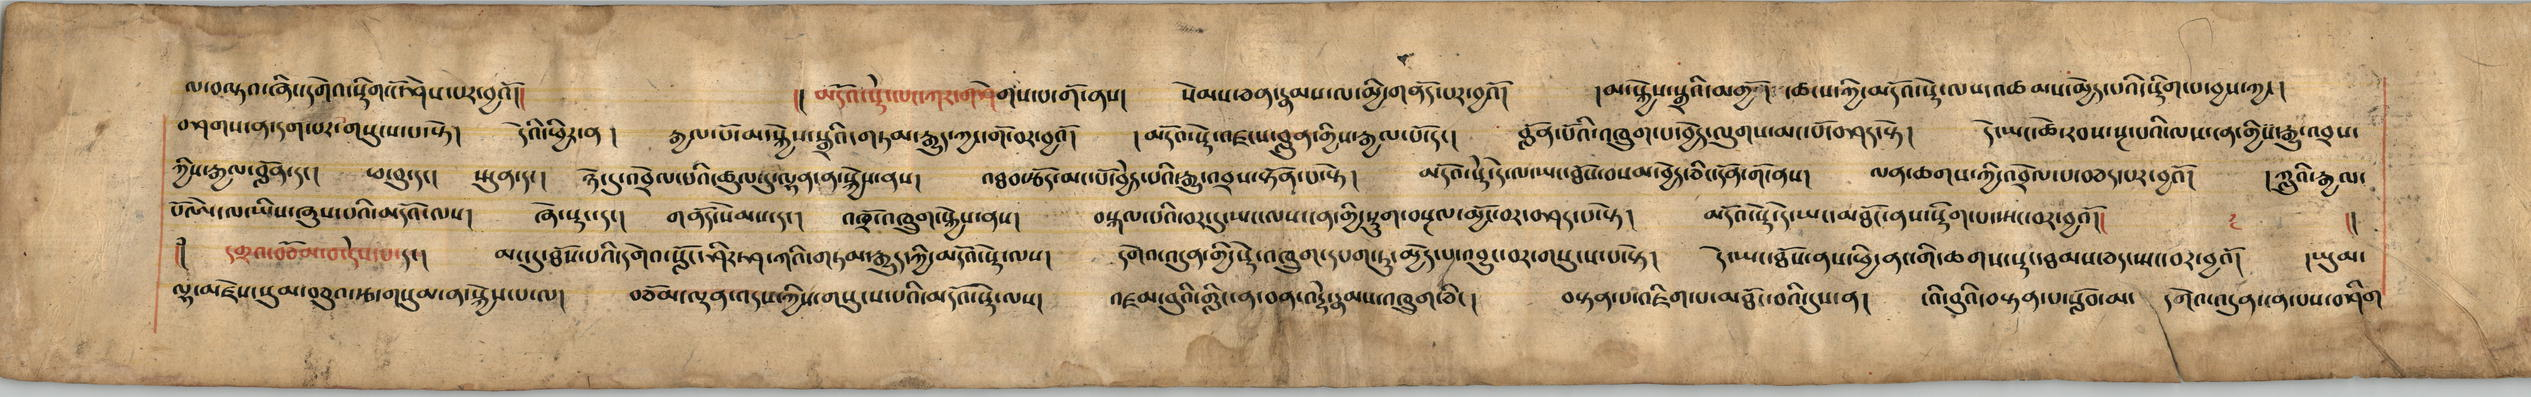ལ་བལྟའ་ཞིང་དགེའ་སྡིག་ངོ་ཤེས་པར་བྱའོ།། །། མདོའ་སྡེ་ལང་ཀར་གཤེགས་པ་གོ་ནས། སེམས་ཅན་རྣམས་ལ་མྱི་གནོད་པར་བྱའོ། །མ་སྐྱེས་སྒྲའི་མགྱོག ་ཚངས་ཀྱི་མདོའ་སྡེ་ལས་འཚམས་མྱེད་པའི་སྡིག་པ་བྱས་ཀྱང །
བཤགས་ན་དག་པར་གསུངས་པ་སྟེ། དེའི་ཕྱིར་ན། རྒྱལ་པོ་མ་སྐྱེས་སྒྲའི་གཏམ་རྒྱུད་ཀྱང་གོ་བར་བྱའོ། །མདོའ་སྡེ་འཛངས་བླུན་གྱིས་རྒྱལ་པོ་དང། བློན་པོའི་འཁྲུག་པ་བྱེད་ལུགས་མང་པོ་བཤད་སྟེ། དེ་ཡང་ཚེ་རབས་སྔ་པའི་ལས་ངན་གྱིས་རྒྱུ་འབྲས་
ཀྱིས་རྒྱལ་བློན་དང། ཕ་བུ་དང། སྤུན་དང། ཉེ་དུ་འབྲེལ་པའི་ཚུལ་དུ་ལྷན་ན་སྐྱེས་ནས། འཐབ་རྩོད་མང་པོ་བྱེད་པའི་རྒྱུ་འབྲས་སྟོན་པ་སྟེ། མདོའ་སྡེ་དེ་ལ་ཡང་ཐོས་བསམ་བྱེད་ཅིང་དོན་གོ་ནས། ལན་ཆགས་ཀྱི་འབྲེལ་པ་བཅད་པར་བྱའོ། །ཀླུའི་རྒྱལ་
པོའེལ་ལ་ཡིས་ཞུས་པའི་མདོའ་ལས། ཞེ་སྡང་དངད་། གནོད་སེམས་དང་། འཁོང་འཁྲུག་སྐྱེས་ནས། བསྐལ་པའི་བར་དུ་ཡང་ལས་ངན་གྱི་སྡུག་བསྔལ་མྱོང་བར་བཤད་པ་ཏེ། མདོའ་སྡེ་དེ་ཡང་མཐོང་ནས་སྡུག་པ་སྤང་བར་བྱའོ།།
།། དགྲའ་བཅོམ་པ་དེས་པ་དང། མང་དུ་ཐོས་པའི་དགེའ་སློང་ཤིར་ཤ་ཀའི་གཏན་རྒྱུད་ཀྱི་མདོའ་སྡེ་ལས། དགེའ་འདུན་གྱི་སྡེ་འཁྲུག་དཔག་ཏུ་མྱེད་པ་འབྱུང་བར་གསུངས་པ་སྟེ། དེ་ཡང་ཐོས་ནས་ཕྱི་ནང་གི་ཆགས་སྡང་ཐམས་ཅད་ཡང་བར་བྱའོ། །ཡུམ་
ལྷ་མཛེས་སུམ་བཅུའ་རྩ་གསུམ་ན་སྐྱེས་པ་ལ། བཅོམ་ལྡན་འདས་ཀྱིས་གསུངས་པའི་མདོའ་སྡེ་ལས། འཛམ་བུའི་གླིང་ན་བན་བརྡེ་རྣམས་འཁྲུག་ཅིང ། བསྟན་པ་འཇིག་པ་མཐོང་བའི་དུས་ན། ངའི་བུའི་བསྟན་པ་སློབ་མ་ དགེའ་འདུན་ངན་པས་བཤིག